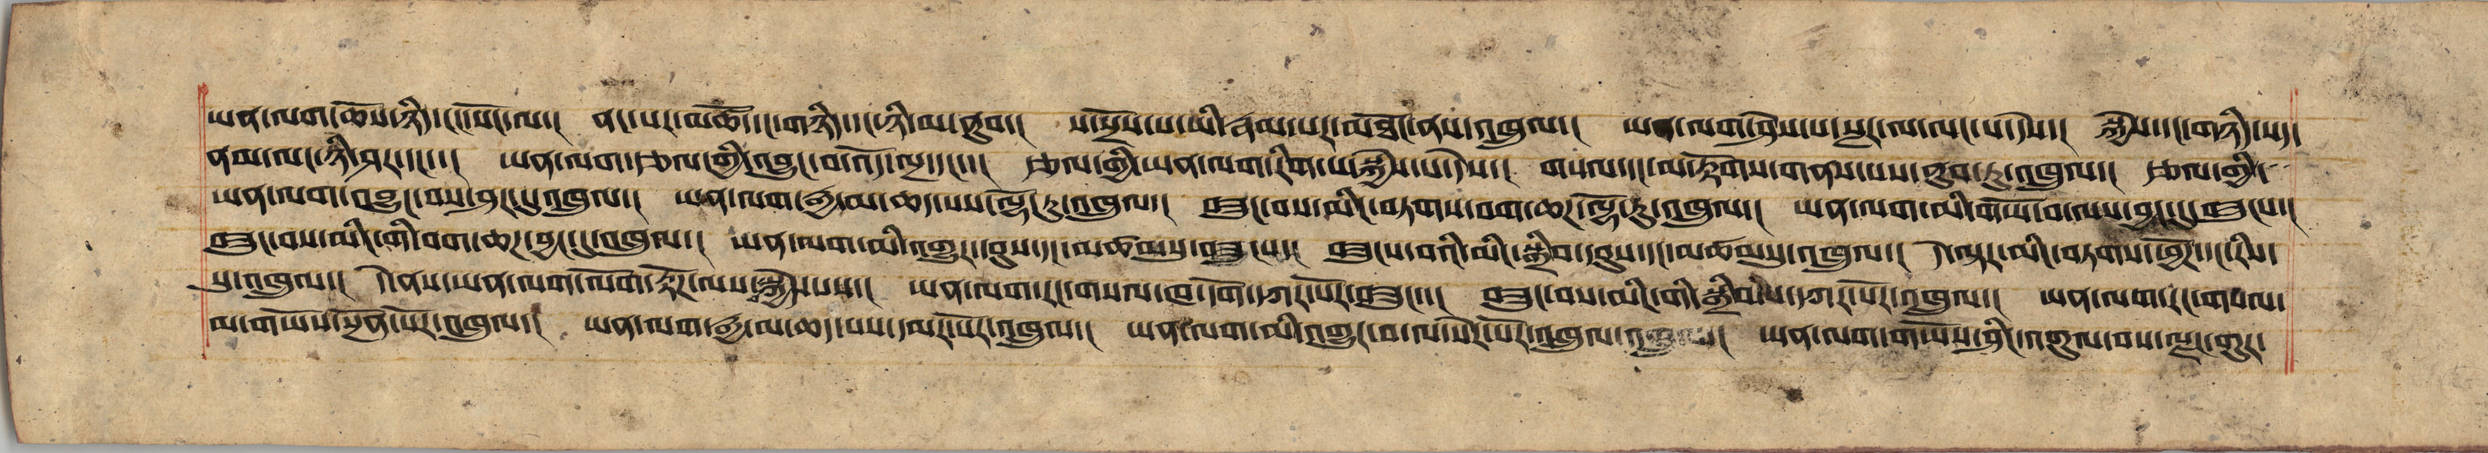ཡན་ལག་ཆོས་ཉིད་ངང་སོང་ལ་། ནང་སར་མཚོ་དང་གཉིད་དང་ཉི་མ་ནུབ་། ས་སྲོས་པ་ཡི་རྣམ་པར་མཐོང་ནས་འཁྲུལ་། ཡན་ལག་ཤེས་པ་སླར་ལ་ལང་པ་དེས་། སྐྱེས་དང་གཉིད་སད་
ནམ་ལང་ཉི་ཤར་དང་་། ཡན་ལག་རྩལ་གྱི་འབྱུང་བ་འོད་ལྔ་དང་་། རྩལ་གྱི་ཡན་ལག་རིག་པ་སྐྱེས་པ་དེས་། གསལ་དང་མ་རྟོགས་གནས་པས་ནུབ་ཏུ་འཁྲུལ་། རྩལ་གྱི་
ཡན་ལག་འབྱུང་བས་ཤར་དུ་འཁྲུལ་། ཡན་ལག་རྒྱ་མ་ཆད་པས་ལྷོ་རུ་འཁྲུལ་། བཟུང་བས་མིང་བཏགས་བག་ཆཌ་ལྷོ་རུ་འཁྲུལ་། ཡན་ལག་མི་གཡོ་བ་ལས་མང་དུ་བཟུངས་།
བཟུང་བས་མིང་གི་བག་ཆཌ་བྱང་དུ་འཁྲུལ་། ཡན་ལག་མི་འགྱུར་དབུས་དང་མཚམསུ་བཟུངས་། བཟུངས་བའི་མིང་སྒྲིབ་དབུས་དང་མཚམསུ་འཁྲུལ་། དེ་ལྟར་མིང་བཏགས་ཕྱོཌ་དང་རིས་
སུ་འཁྲུལ་། དེ་ནས་ཡན་ལག་ལོག་རྟོཌ་ལས་སྐྱེས་པས་། ཡན་ལག་རང་གསལ་ཁ་དོག་དཀར་པོར་བཟུང་་། བཟུང་བས་མིང་གི་སྒྲིབ་པ་དཀར་པོར་འཁྲུལ་། ཡན་ལག་རང་གསལ་
མ་གཡོས་སྔོན་པོར་འཁྲུལ་། ཡན་ལག་རྒྱ་མ་ཆད་པས་དམར་པོར་འཁྲུལ་། ཡན་ལག་མི་འགྱུར་བ་ལ་སེར་པོར་འཁྲུལ་། ཡན་ལག་གོམས་ཤིང་འགུལ་བས་ལྗང་གུར་